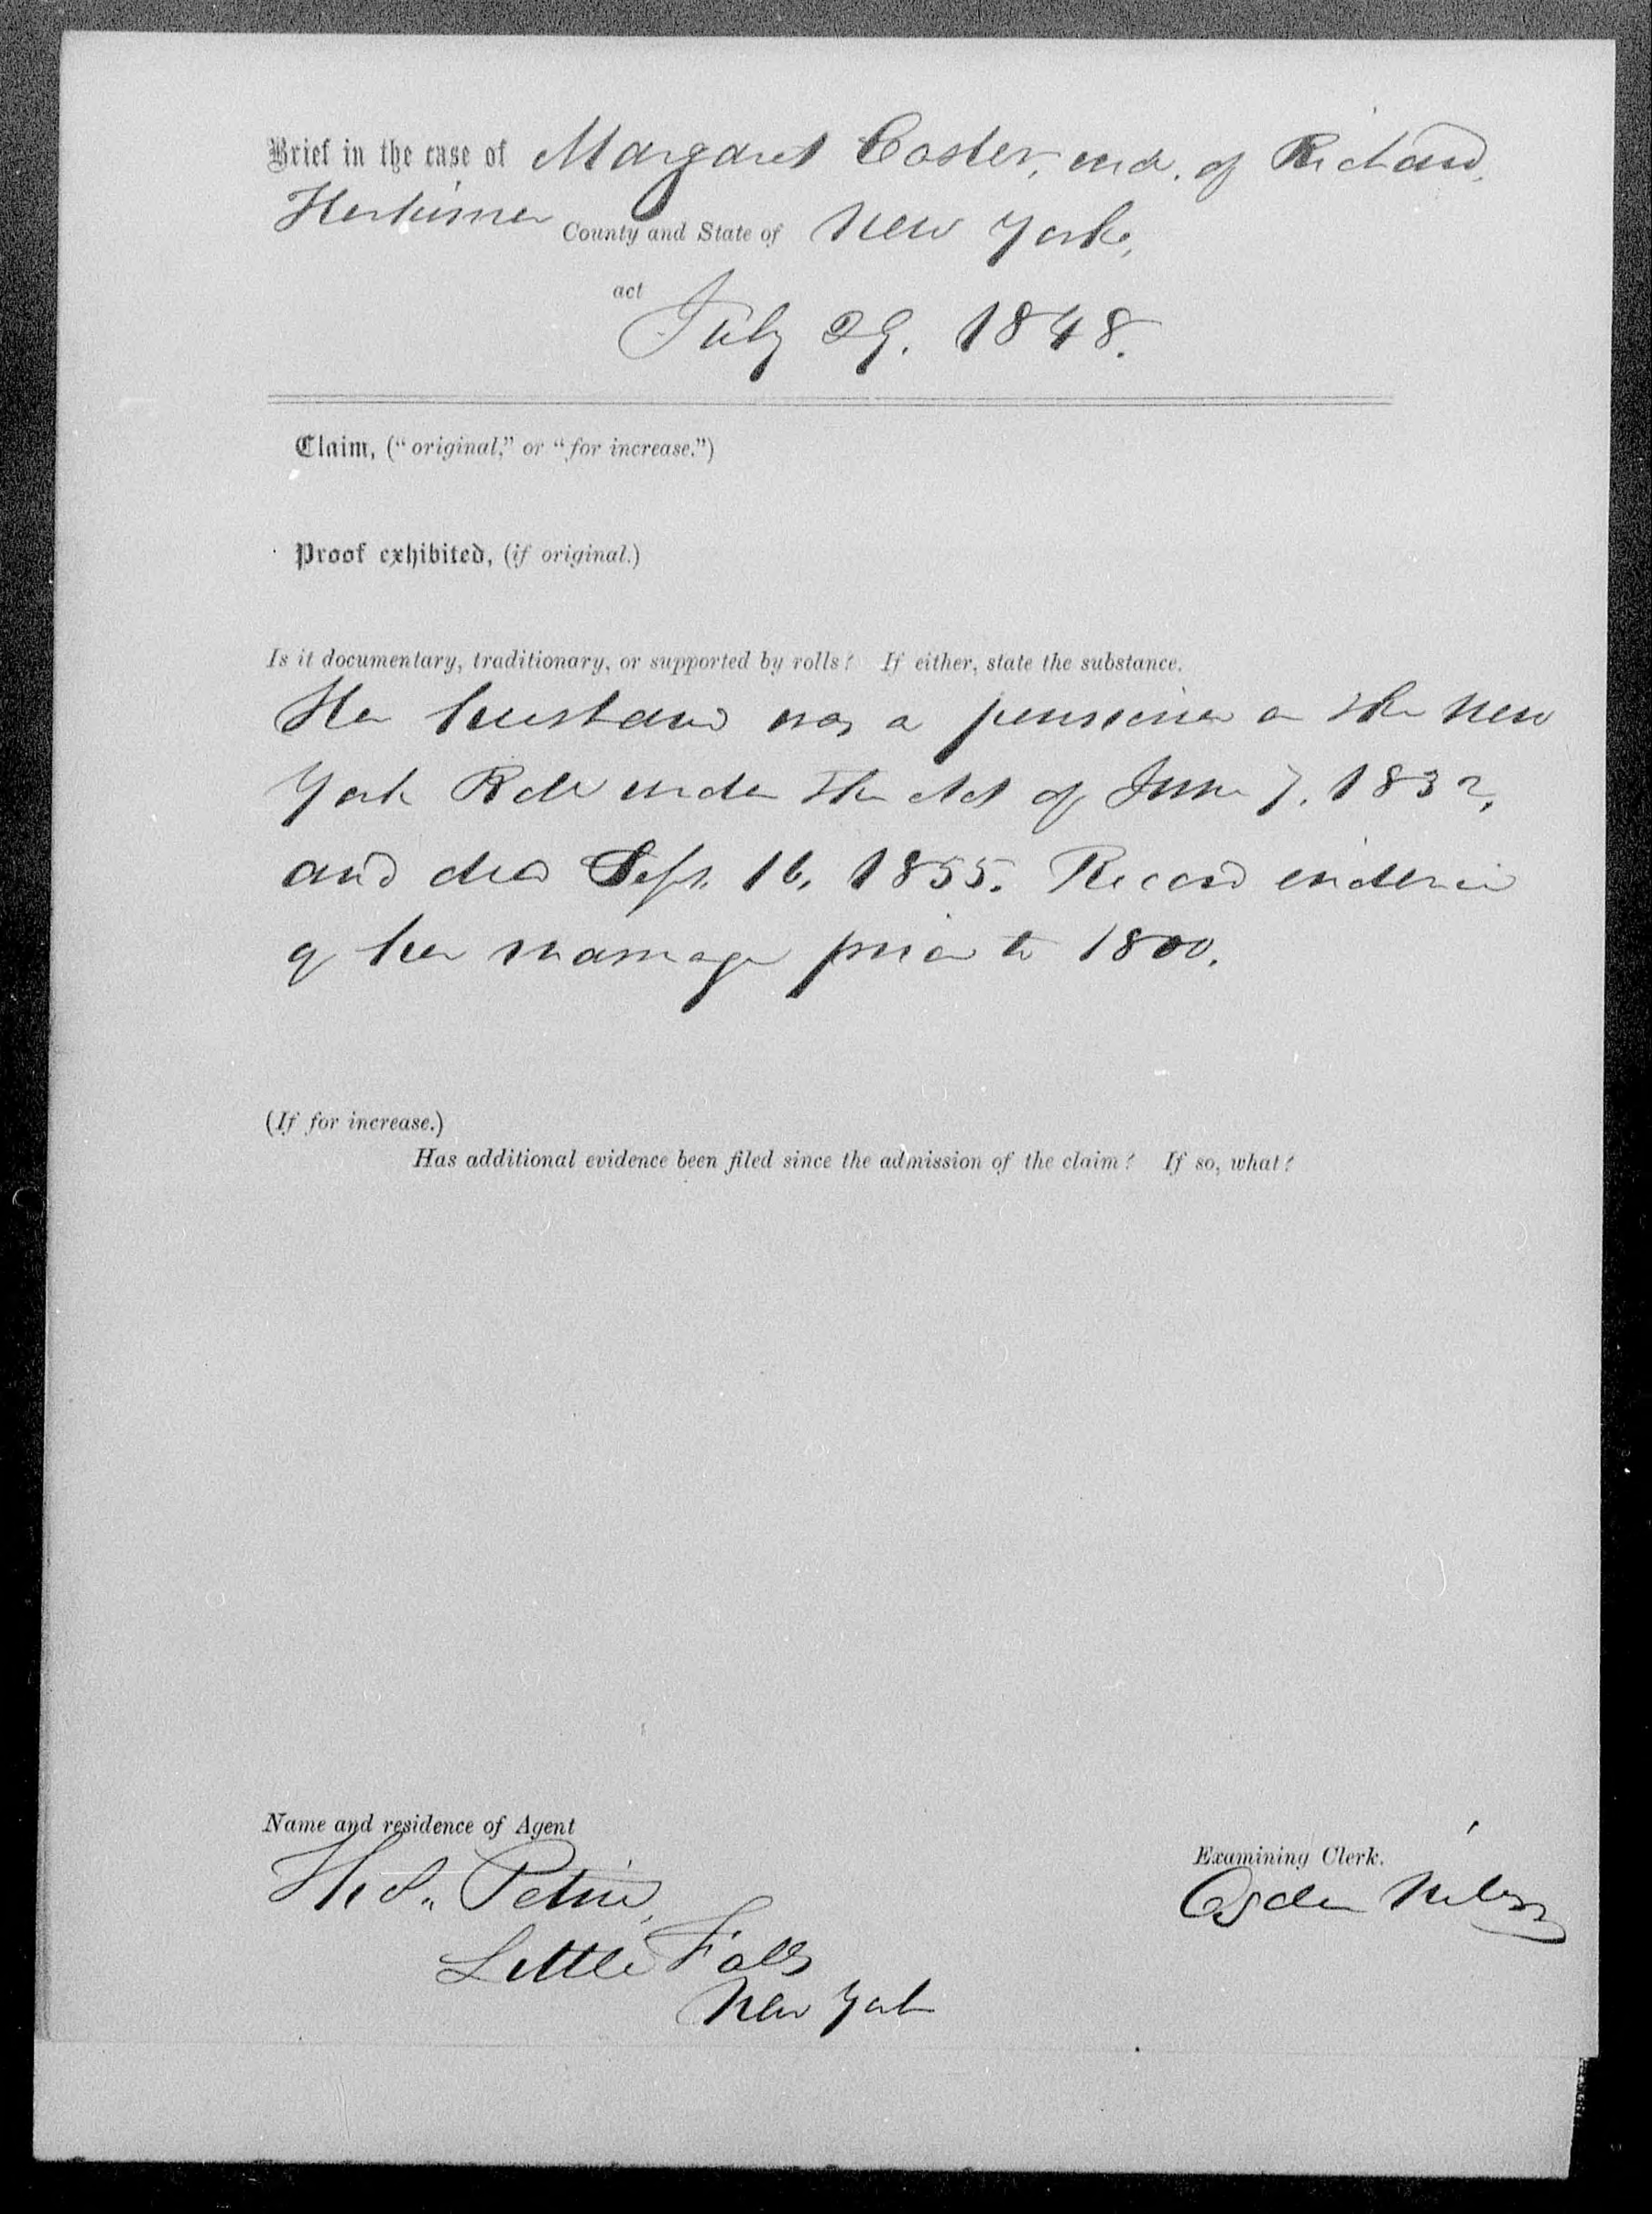Brief in the case of Margaret Casler, wid. Of Richard
Herkimer County and State of New York
act July 29. 1848.
Claim, (original " or " for increase.) 
Proof exhibited, (if original.) 
Is it documentary, traditionary, or supported by rolls? If either, state the substance.
Her husband was a pensioner of the New York Roll under the Act of June 7, 1832, and died Sept. 16, 1855. Record evidence of her marriage prior to 1800. 

(If for increase.) 
Has additional evidence been filed since the admission of the claim? If so, what?

Examining Clerk. 
Ogden Nilson [?]

Name and residence of Agent 
Thos. Petrie
Little Falls
New York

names: Thos Petrie, Margaret Casler, Richard Casler, Ogden Niles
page: 46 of 66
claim: widow's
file: W. 6637, Richard Caslar, New York